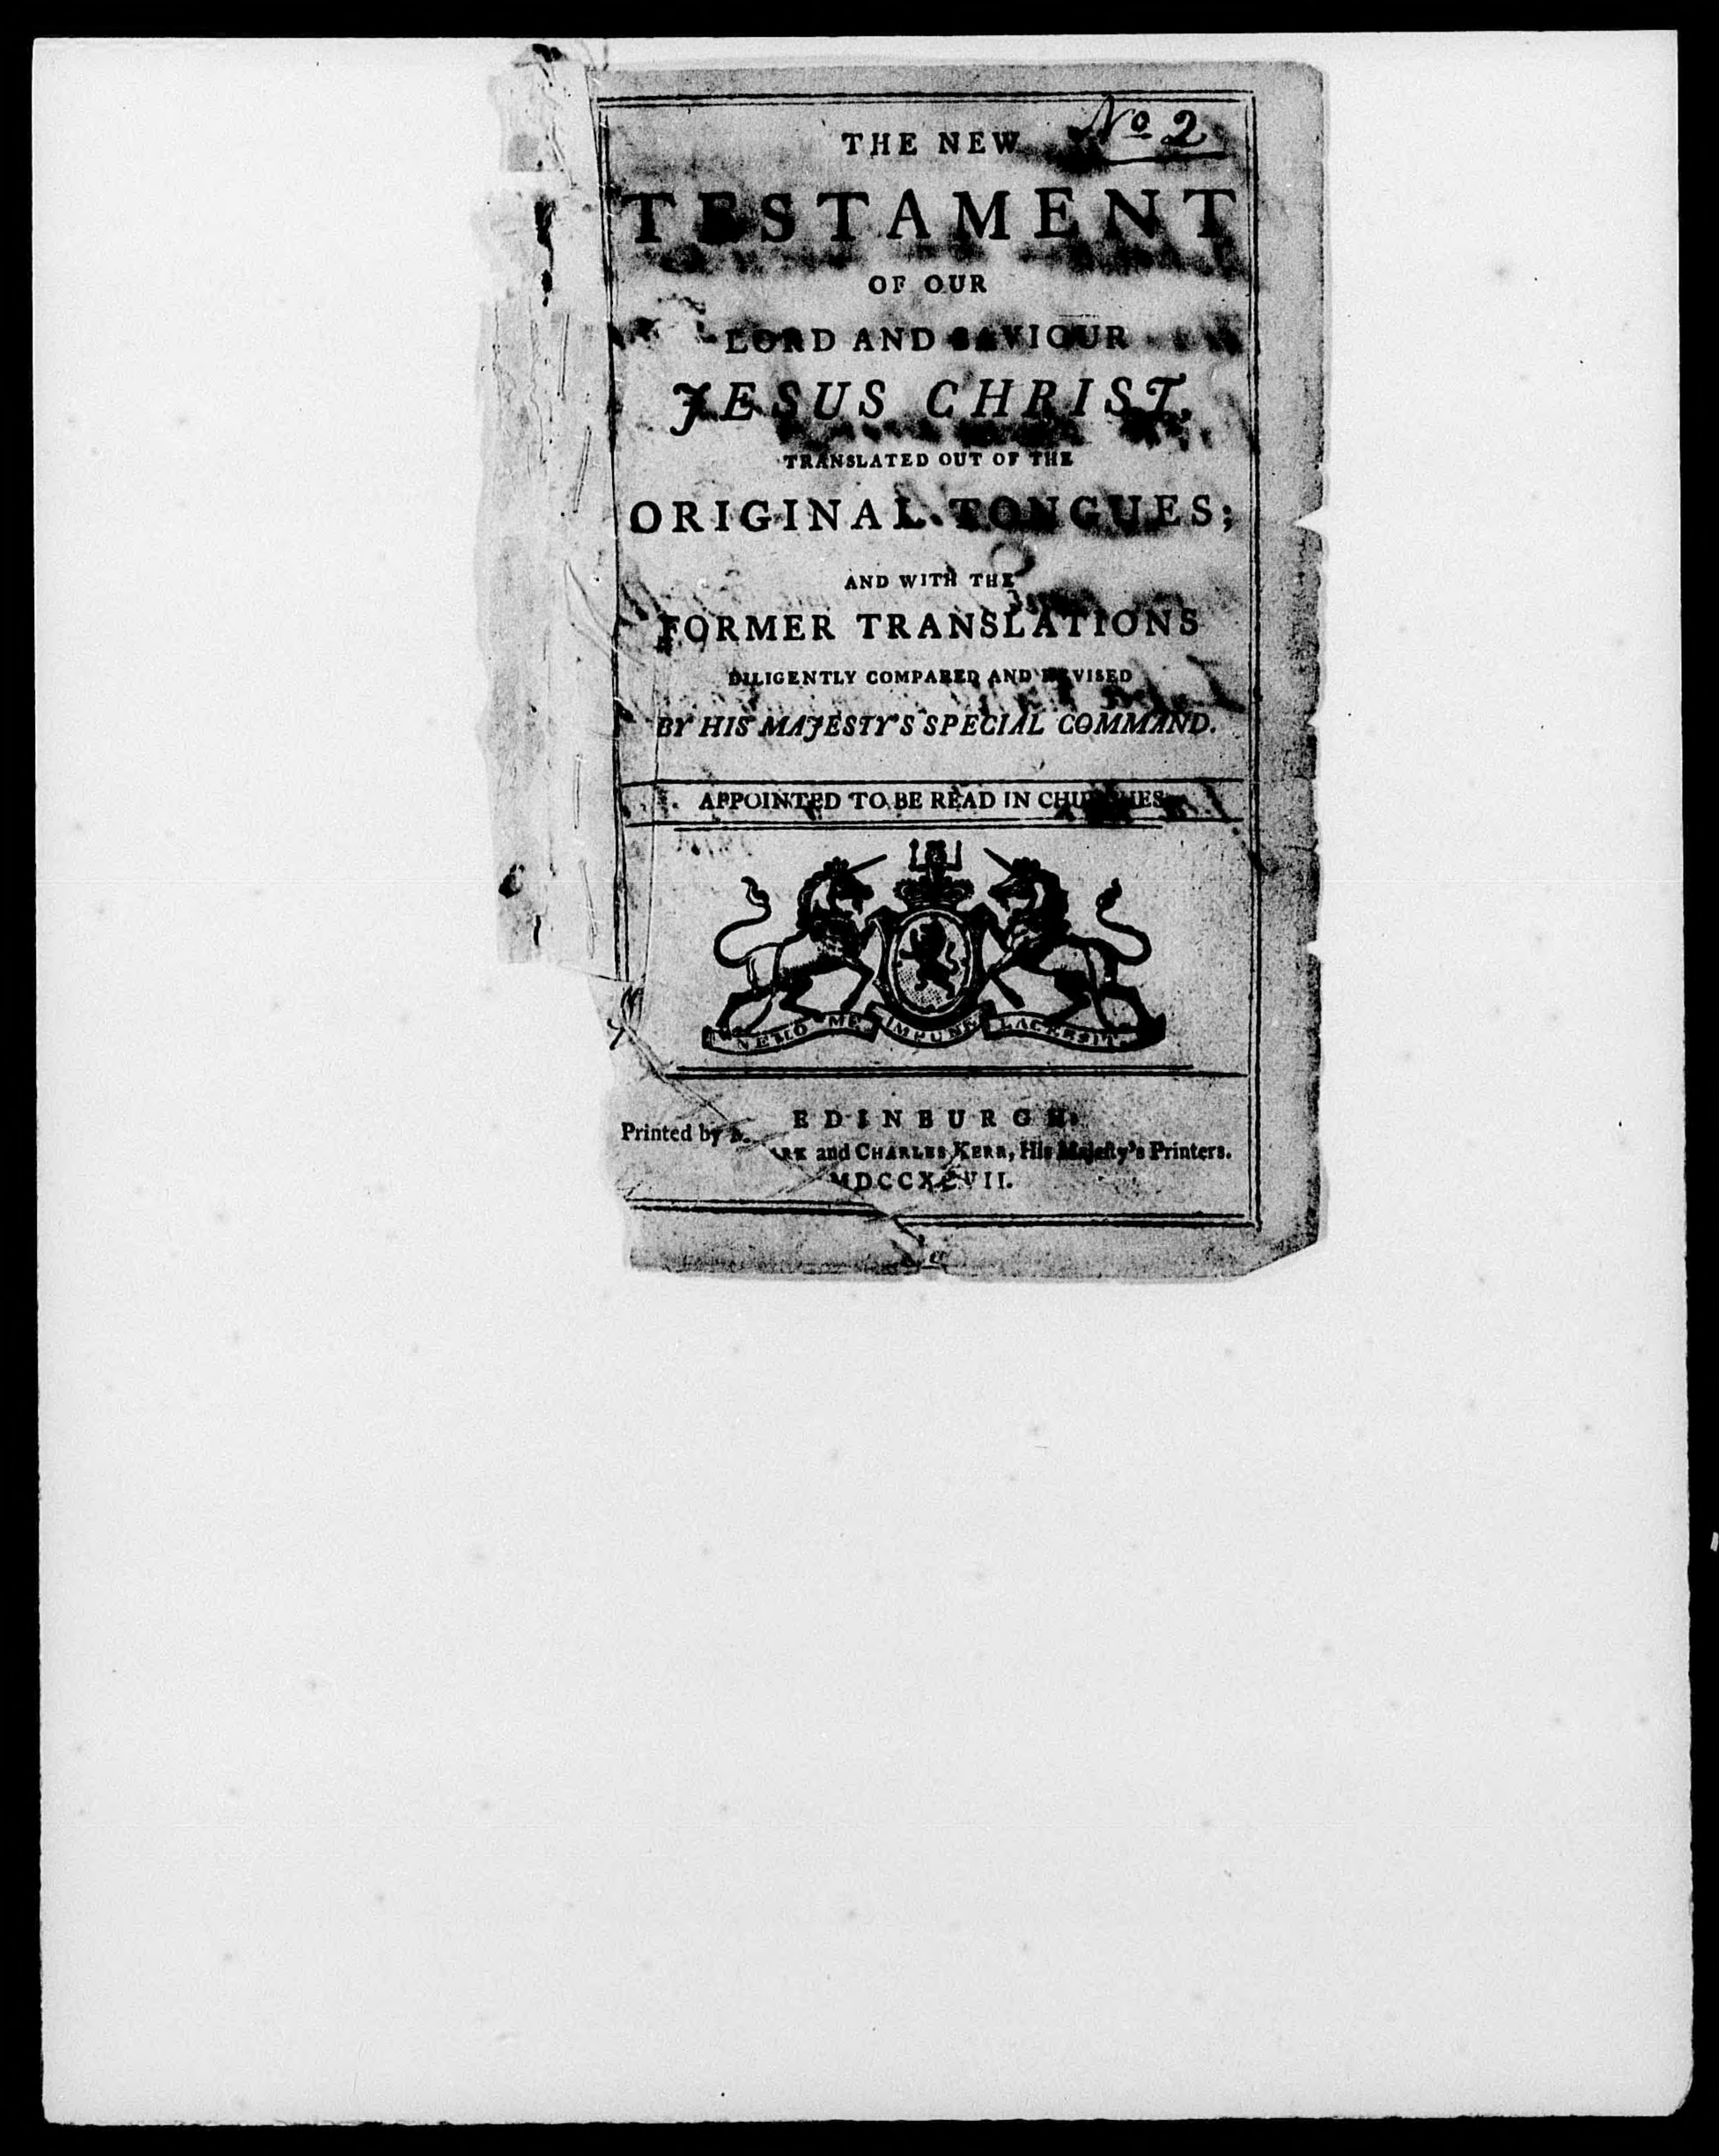The New No2
TESTAMENT OF OUR
LORD AND SAVIOUR
JESUS CHRIST
TRANSLATED OUT OF THE ORIGINAL TONGUES
AND WITH THE 
FORMER TRANSLATIONS
DILLIGENTLY COMPARED AND REVISED
BY HIS MATESTY'S SPECIAL COMMAND
APPOINTED TO BE READ BY []
EDINBURGH
PRINTED BY MARK AND CHARLES KERR, HIS MAGESTY'S PRINTERS
MDCCX[]VIL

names: Mark Kerr, Charles Kerr, Jesus Christ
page: 10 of 42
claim: widow's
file: W. 19,722, Ira Hand, N.H. Vt.